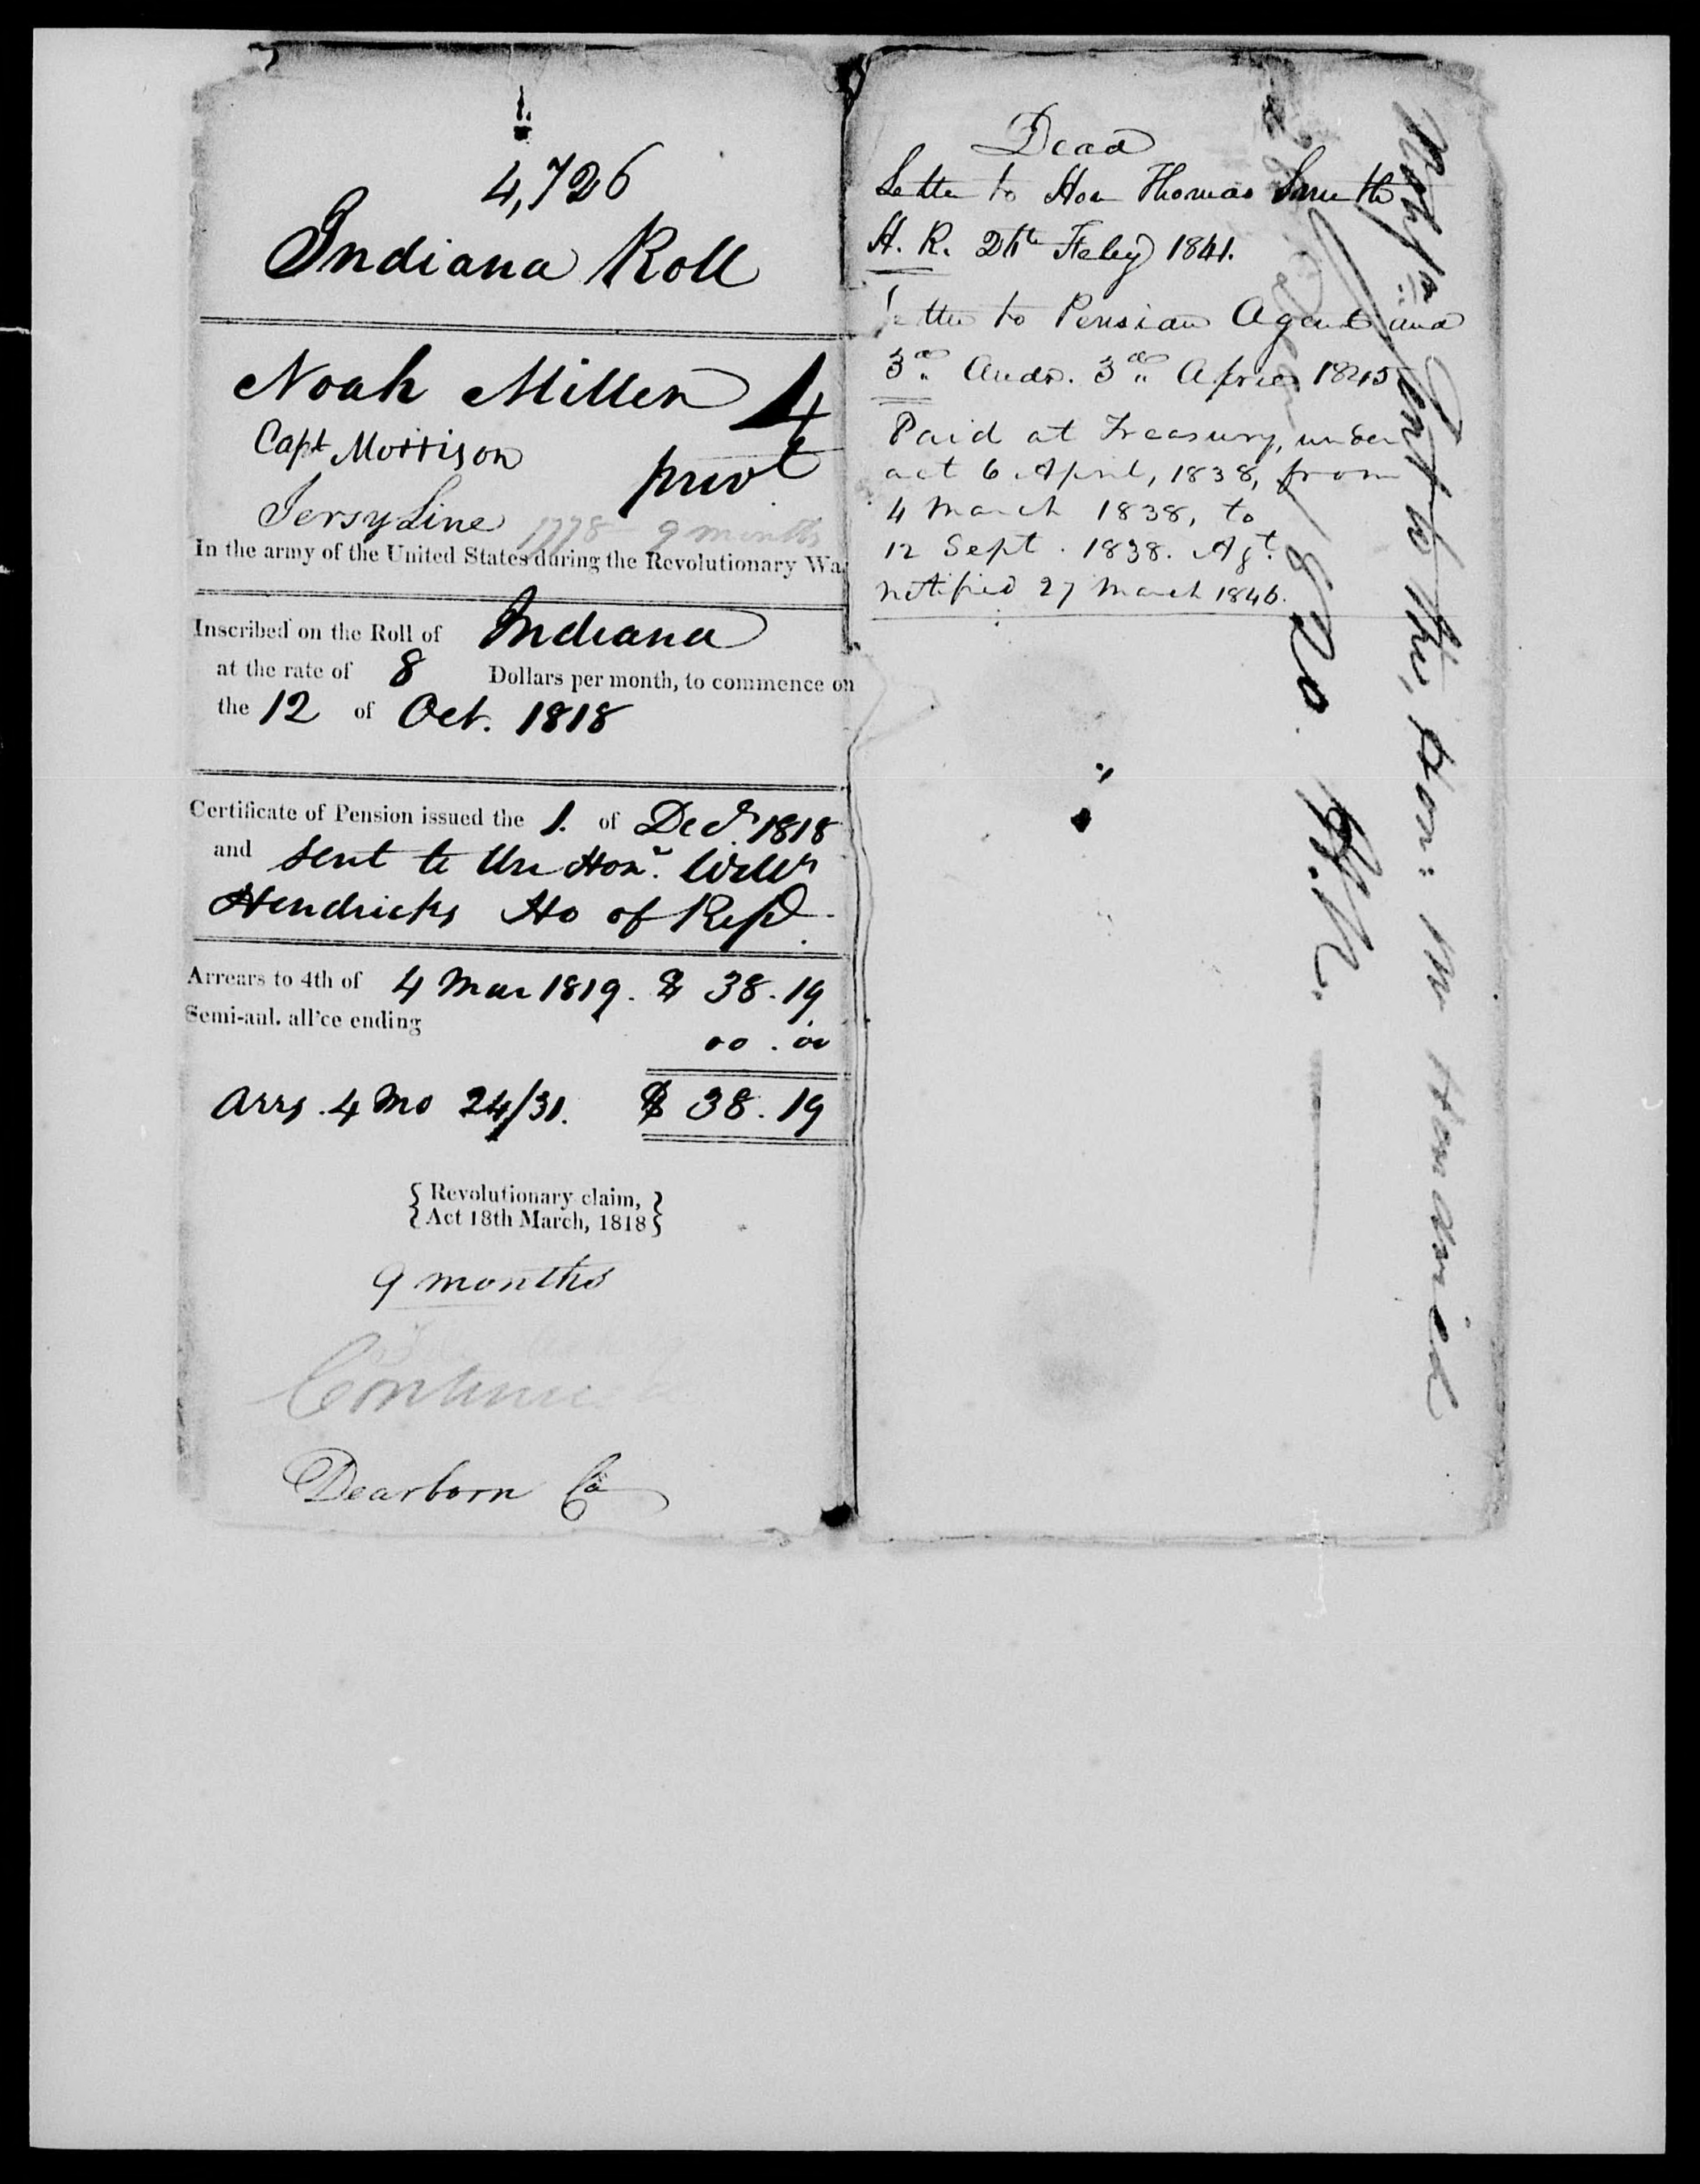4,726
Indiana Roll

Noah Miller
Capt. Morrison
Jersey Line Privt.
In the army of the United States during the Revolutionary War 1778 9 months

Inscribed on the Roll of Indiana at the rate of 8 Dollars per month, to commence on the 12th of Oct. 1818

Certificate of Pension issued the 1 of Dec. 1818 and sent to  the Hon. Willm. Hendricks, ho. of Rept.

Arrears to 4th of Mar. 1819 $38.19
Semi-anl. all'ce ending           00.00
Arrs 4 mos 24/30

[Total] $38.19

{Revolutionary claim, Act of 18th March, 1818}

Dead
Letter to Hon. Thomas Saruth
H.R. Th Heley 1841
Letter to Pension Agent and 3.00 Aud. 3rd April 1845

Paid at Treasury, under act 6 April 1838, from 4 March 1838, to 12 Sept. 1838. Agt. notified 27 March 1846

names: [BLANK] Morrison; Thomas Smith; Noah Miller; Wills Hendricks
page: 2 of 20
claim: survivor's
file: S. 36129, for Noah Miller, New Jersey